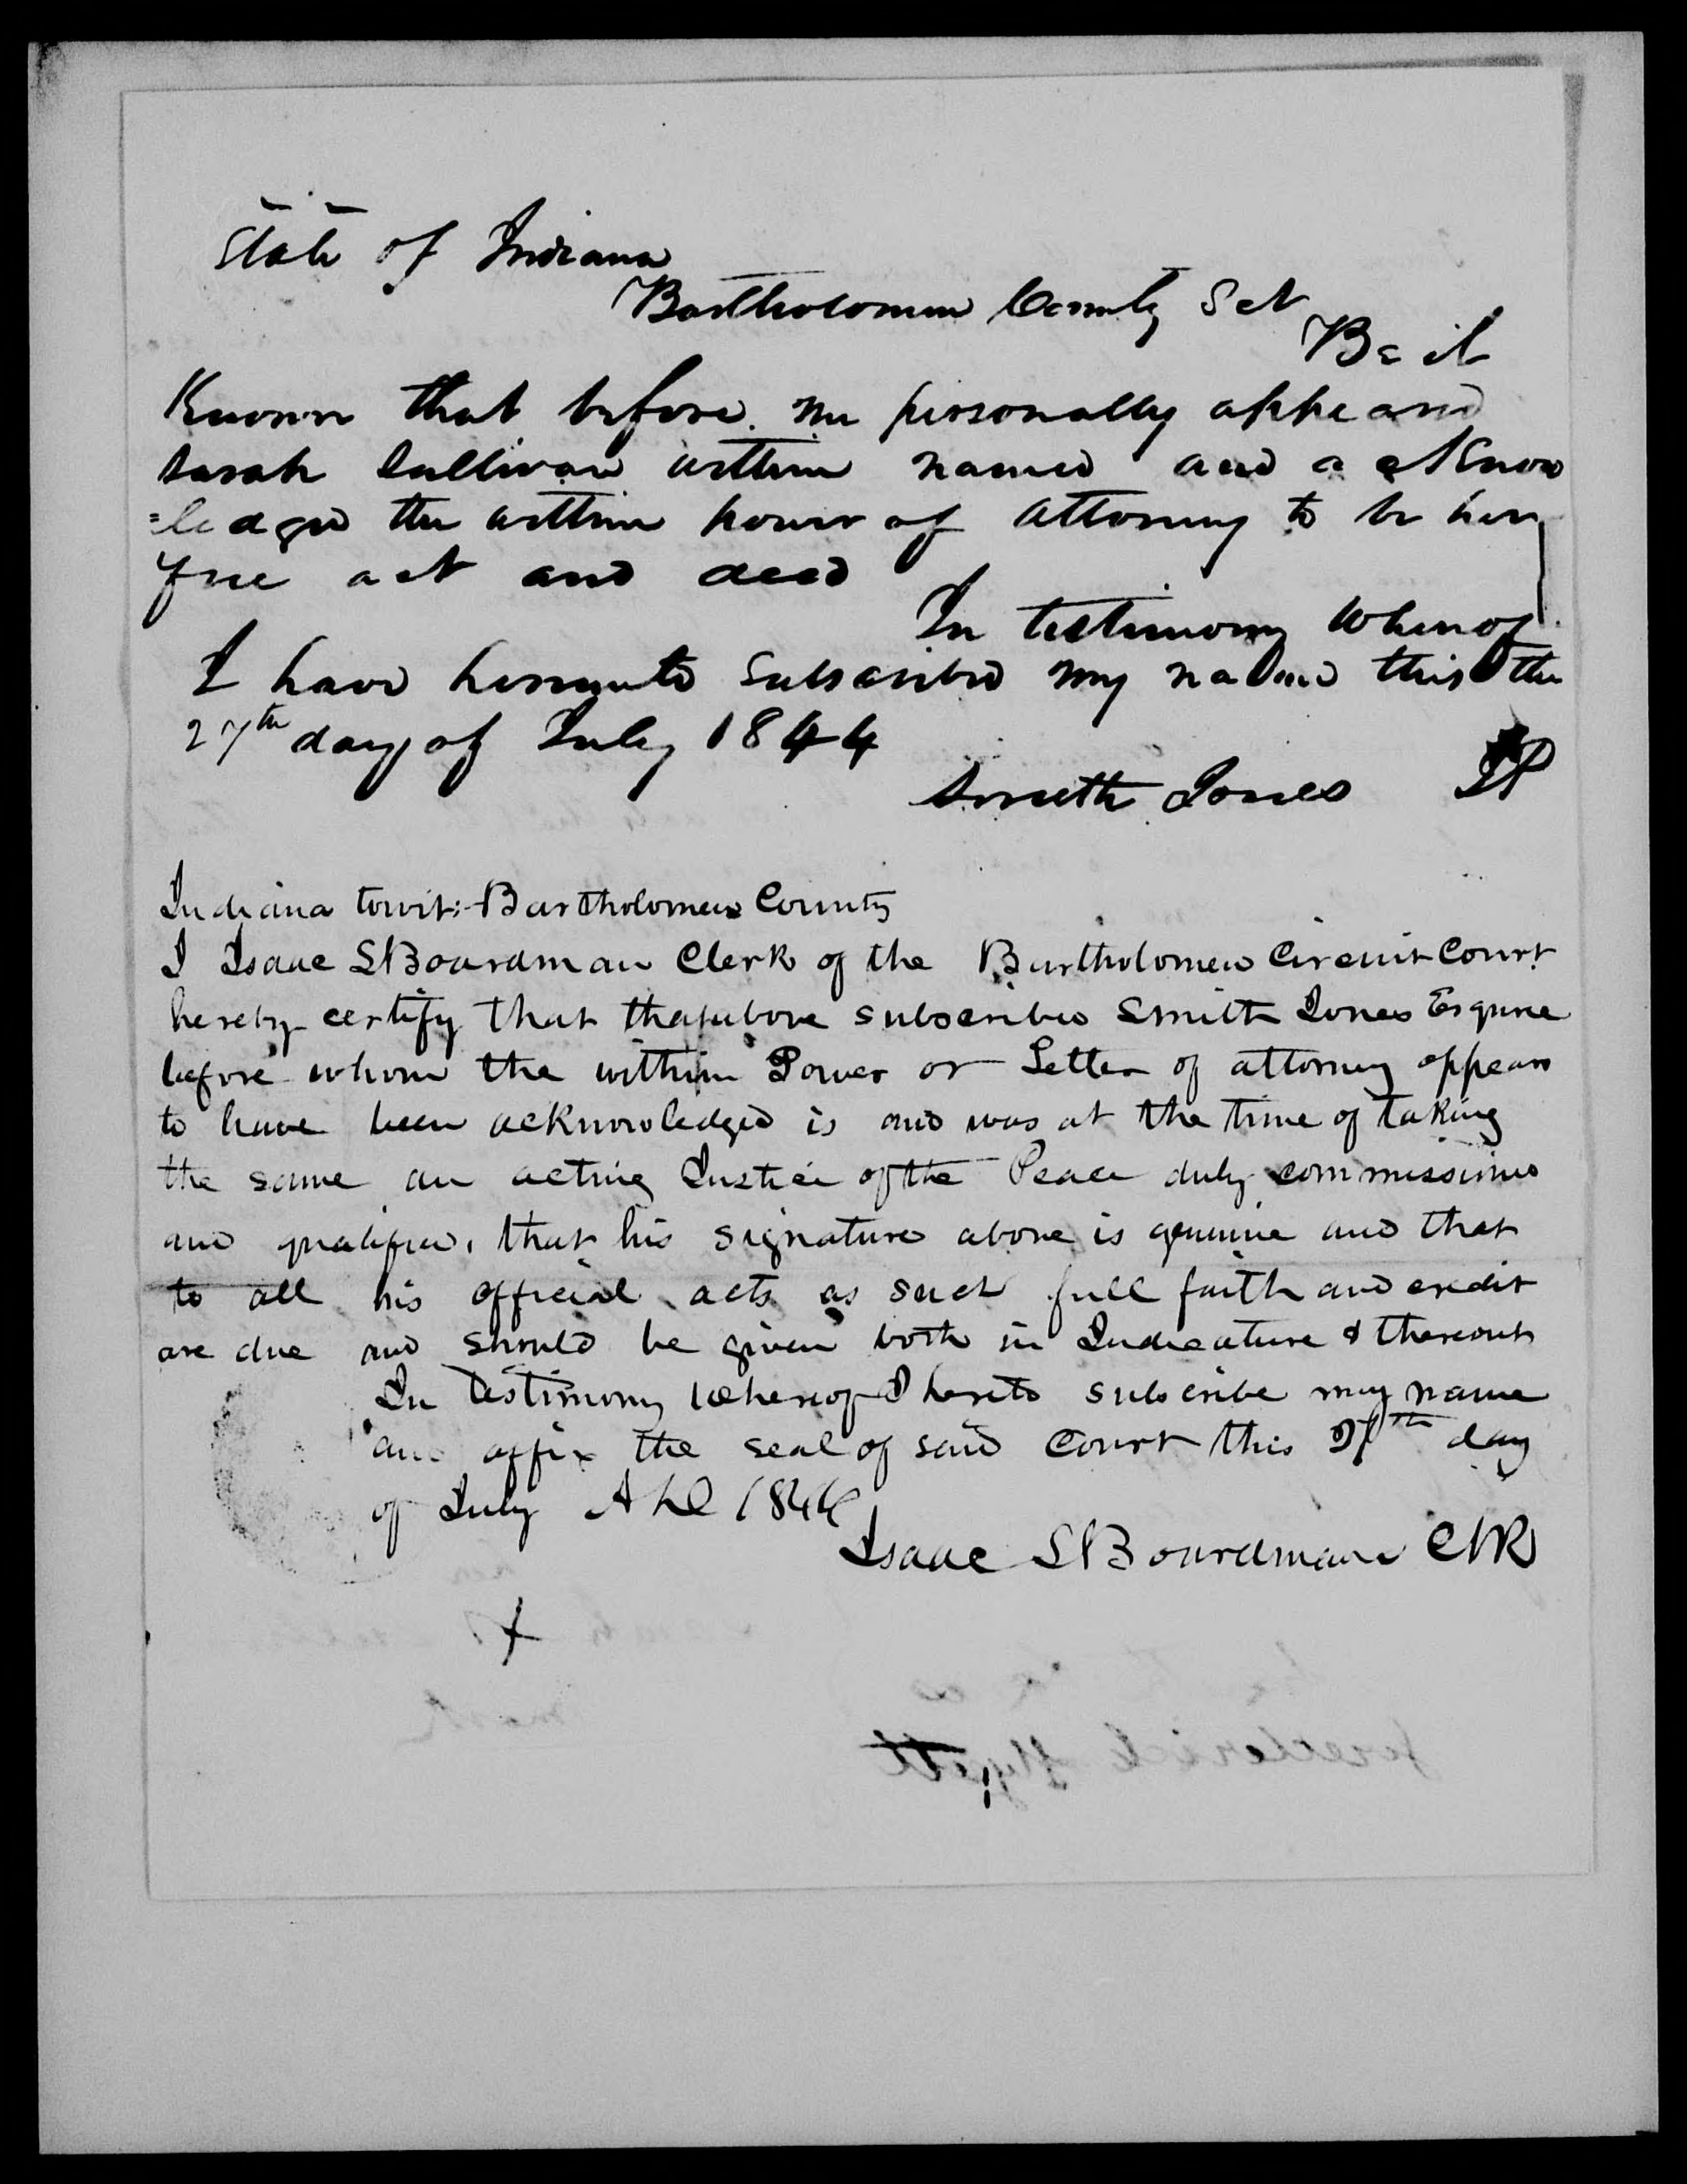State of Indiana Bartholomew County Sct

Be it known that before me personally appeared Sarah Sullivan within named and acknowledged the within power of attorney to be her free act and deed.

In testimony whereof I have hereunto subscribed my name this the 27th day of July 1844

[signed] Smith Jones JP

Indiana Towit: Bartholomew County
I Isaac S Boardman Clerk of the Bartholomew Circuit Court hereby certify that the above subscribed Smith Jones Esquire before whom the within Power or Letter of Attorney appears to have been acknowledge is and was at the time of taking the same an acting Justice of the Peace duly commissioned and qualified, that his signature above is genuine and that to all his official acts or deeds full faith and credit are due and should be given both in Judicature & thereout.
In testimony whereof I hereto subscribed my name and affix the seal of said court this 27th day of July AD 1844 [or 1846]

[signed] Isaac S Boardman Clk

[illegible Seal affixed]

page: 71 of 78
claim: widow's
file: W. 25,169, for Daniel Sullivan, Maryland